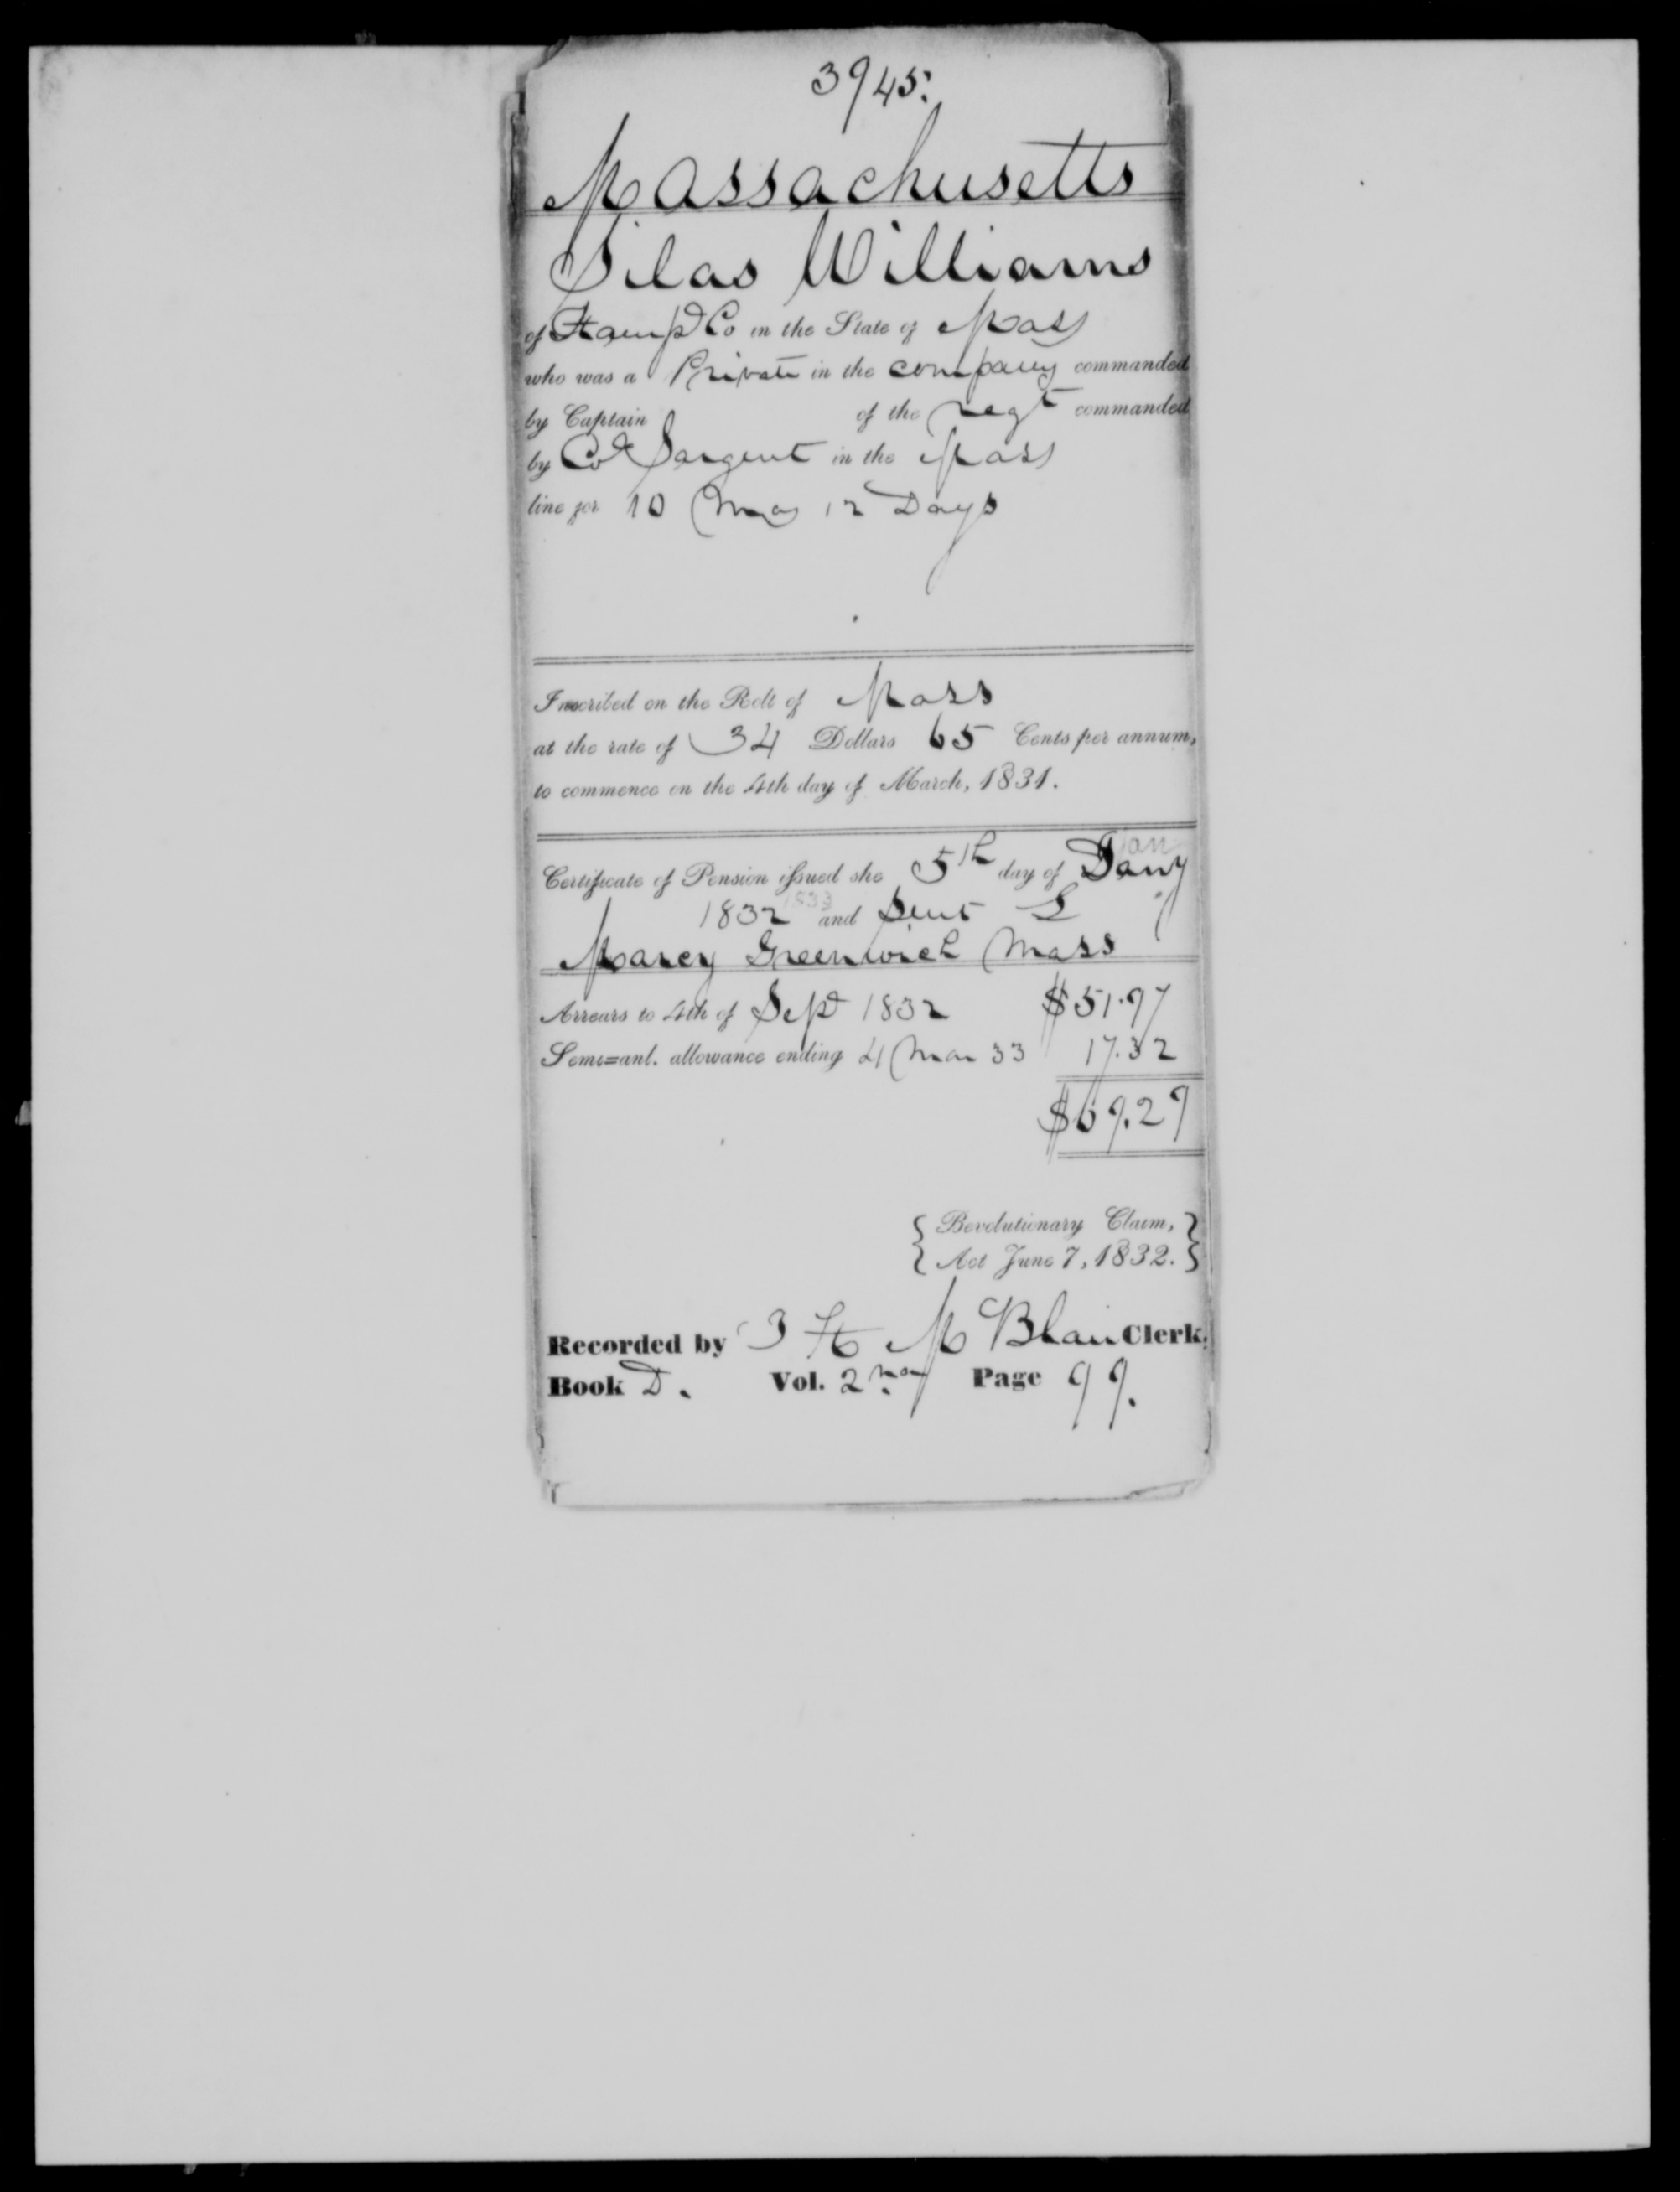3945
Massachusetts
Silas Willaims of Hampe Co in the state of Mass who was a private in the company commanded by Captain of the regt commanded by Col Sargent in the Mass line for 10 Mos 12 days 
Inscribed on the Roll of Mass at the rate of 34 Dollars 65 Cents per annum, to commence on the 4th day of March 1831
Certificate of Pension issued the 5th day of Jany 1832 and sent to L Marcy Greenwich Mass
Arrears to 4th of Sept 1832 $51.97
Semi-anl allowance ending 4 Mar 33 17.32
$69.27
{Revolutionary Claim, Act June 7 1832}
Recorded by TH McBlair clerk 
Book D Vol 2 Page 99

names: Sargent, Silas Williams, L Marcy, T H Mc Blair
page: 2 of 20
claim: survivor's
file: S. 11778, Silas Williams, Mass.